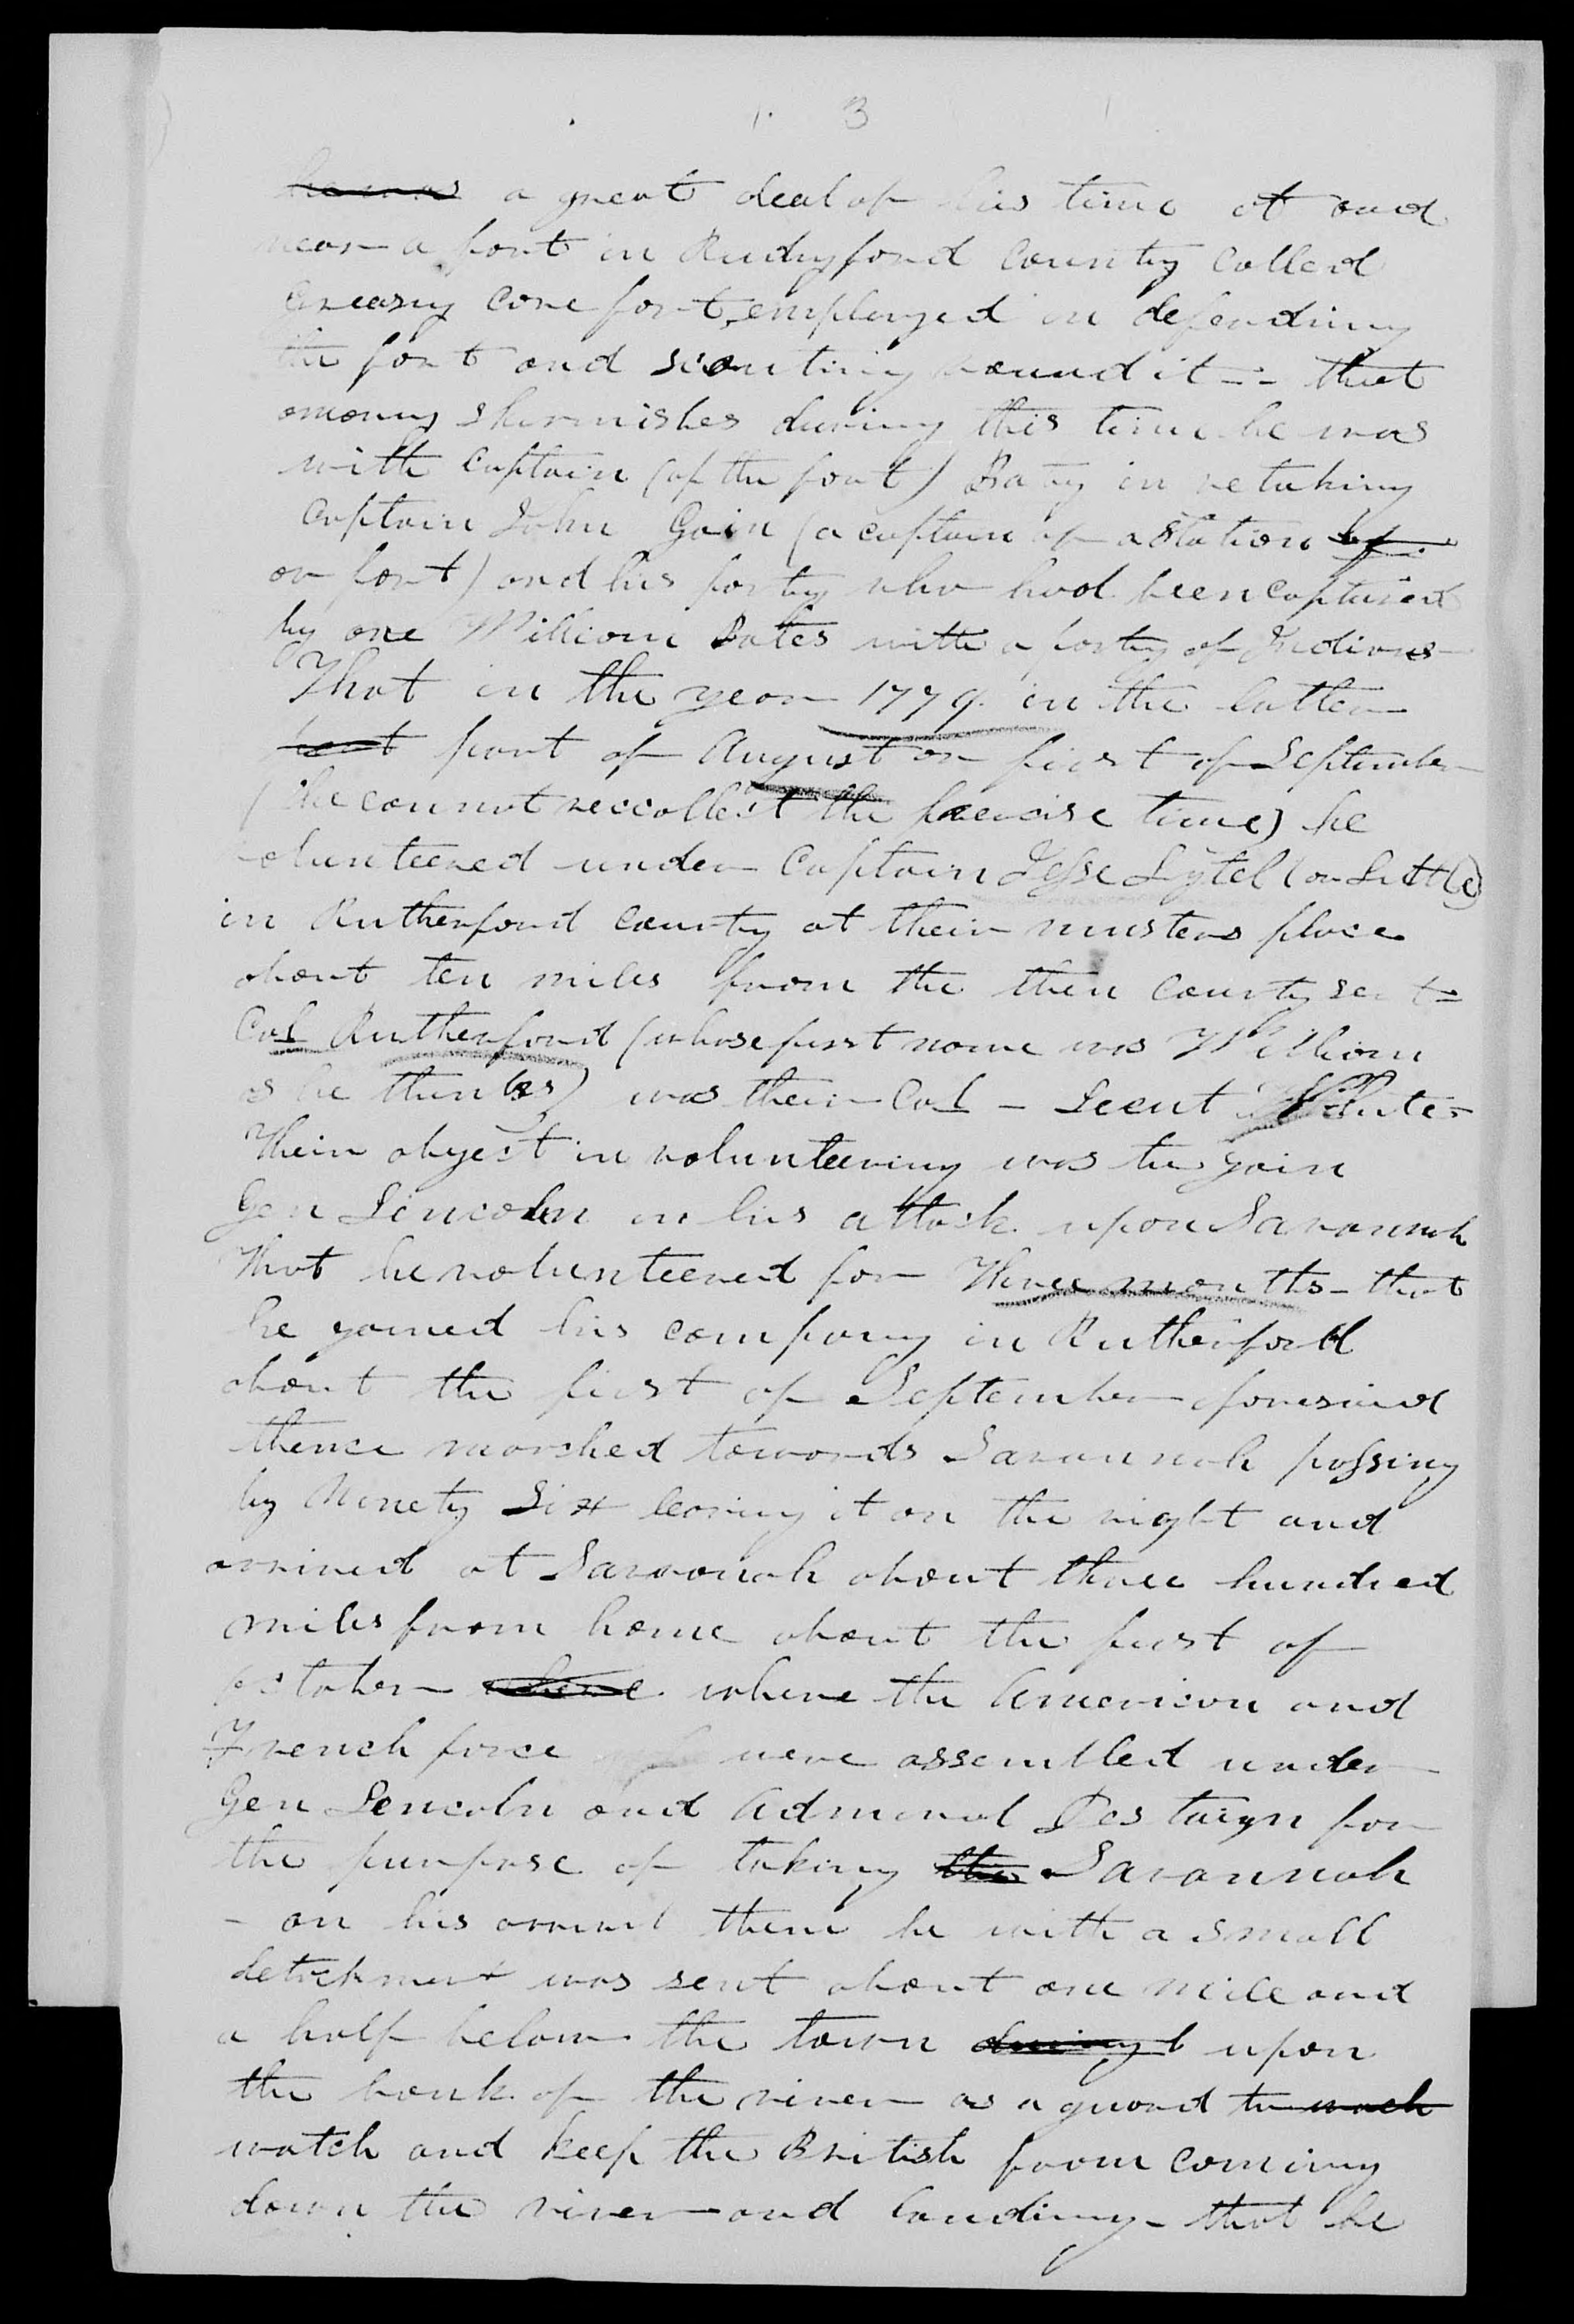3
a great deal of his time at and near about in [illegible Rudryford 9may be Rutherford)] County Called illegible Creariy creasy] cove fort employed in defending the fort and scouting around it --that many shermishes during this time he was with Captain (of the fort) [illegible Batey] in retaking Captain John Gain (a captain of a station or fort), and his party who had been captured by one William Bates with a party of Indians That in the year 1779 in the latter part of August or first of September (he cannot recollect the precise time) he volunteered under Captain Jesse Lytel (or Little) in Rutherford County at their musters place about ten miles from the their County seat - Col Rutherford (whose first name was William as he thinks ) was their Col.- [illegible Lcent Scutter] their object in volunteering was he gain Gen Lincoln in his attack upon Savannah that he volunteered for three months that he joined his company in Rutherford about the first of September aforesaid thence marched towards Savannah possing by Ninety Six leaving it on the night and arrived at Savanah about three hundred miles from home about the first of October where the American and French force were assembled under Gen Lincoln and admonal Testaign for the purpose of taking the Savannah on his [illegible arm] them he with a small detachment was sent about one mile and a half below the town upon the bank of the river as a guard to watch and keep the British from coming down the river and Caudinny -- that he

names: John Gain; William Bates; [BLANK] Lincoln; Jesse Lytel; [BLANK] Rutherford; Jesse Little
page: 17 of 69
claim: widow's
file: W. 10861, for James Patterson, North Carolina